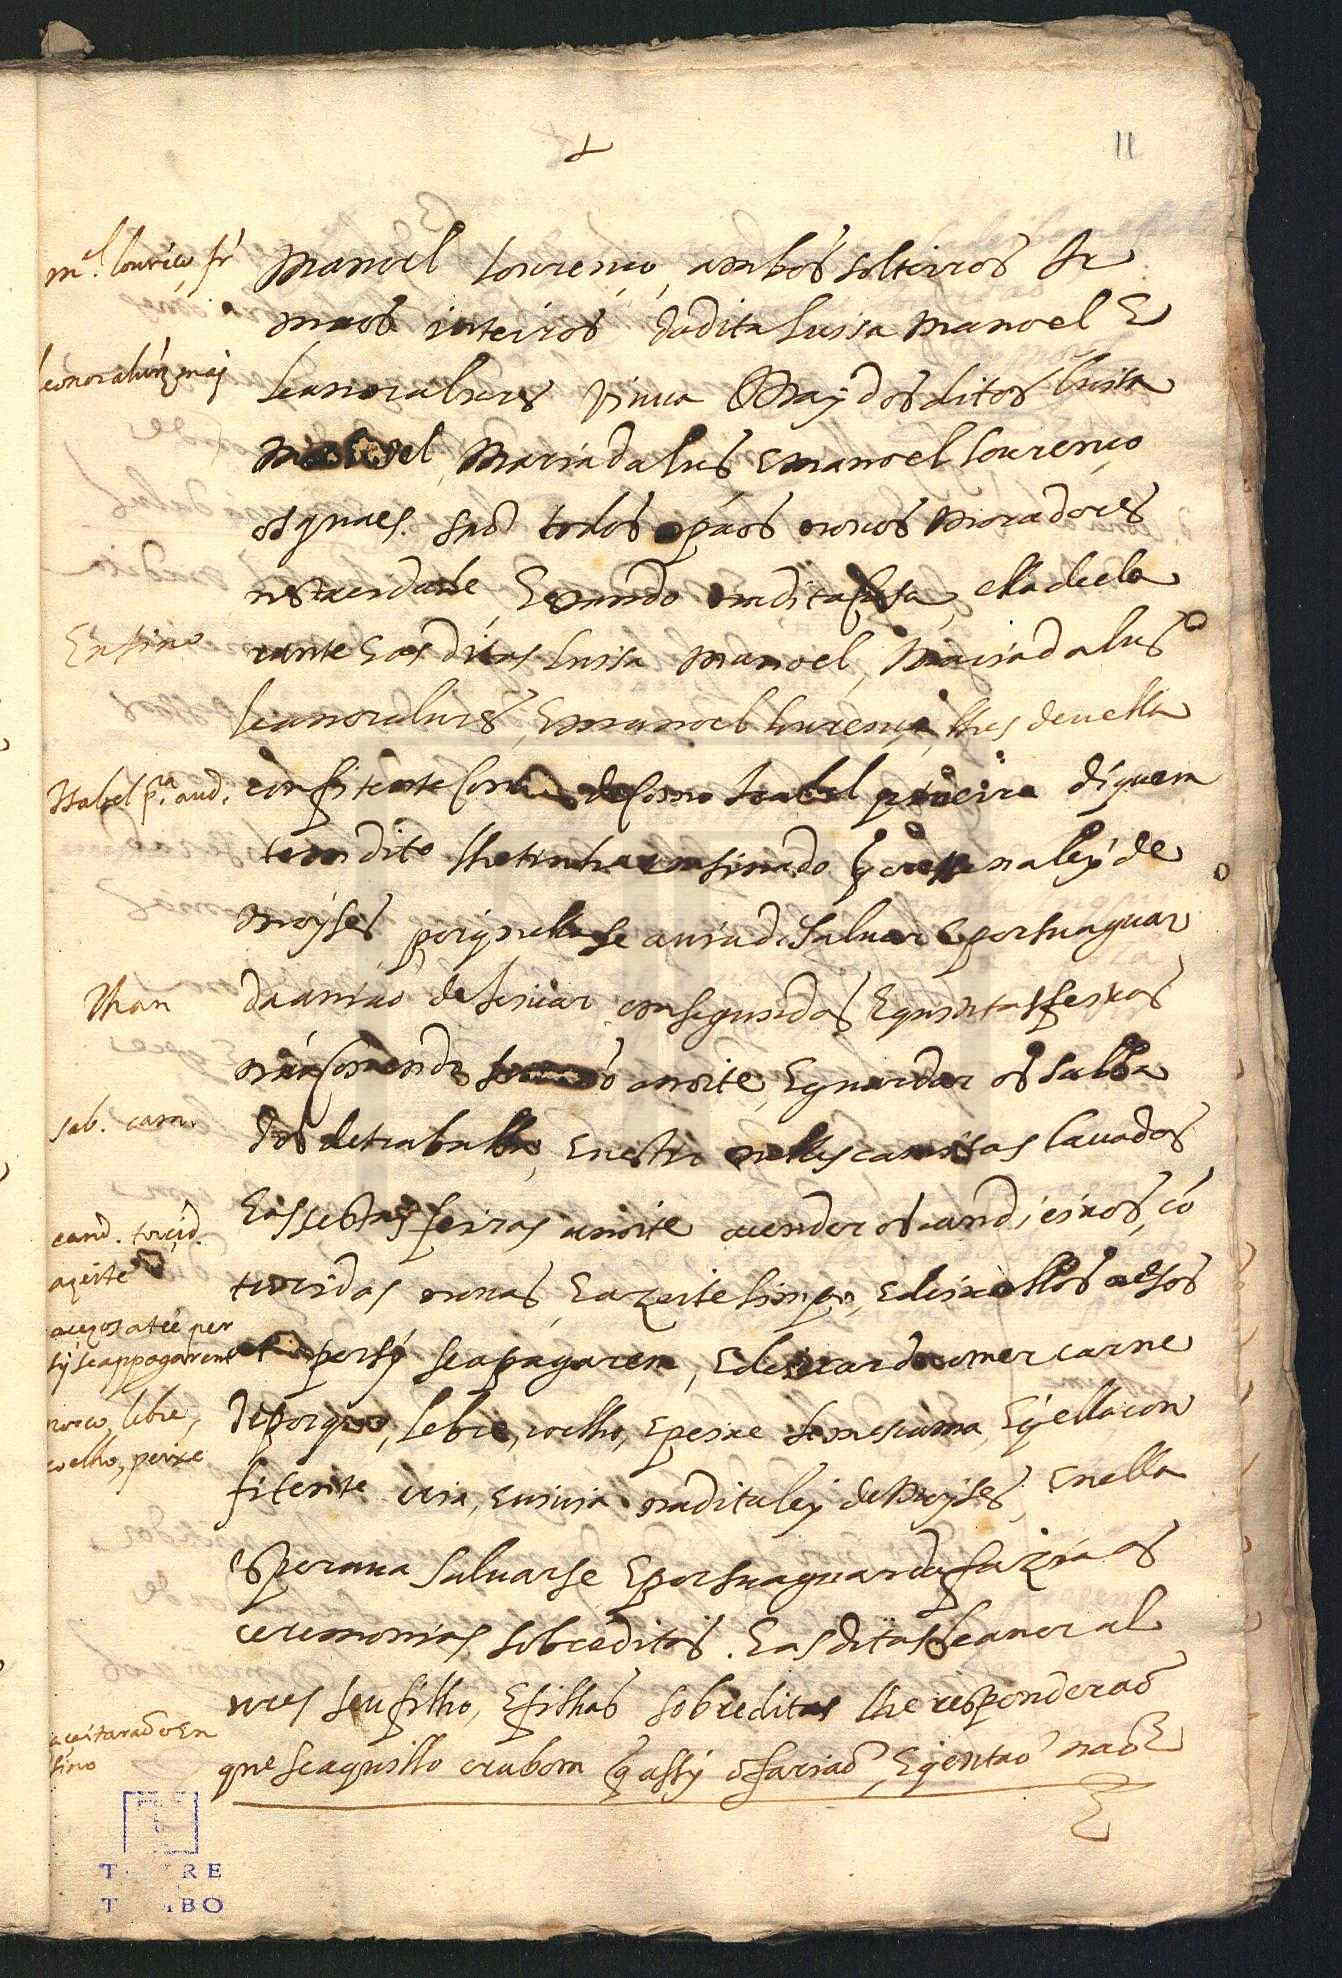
Manoel Lourenço, ambos solteiros Ir
maos inteiros da dita Luisa manoel E
leanor alures Viuua May dos ditos luisa
M___el, Maria da lus E manoel lourenço
os quaes saõ todos _pãos nouos moradores
nesta erdade, E estando _m dita Casa, ella decla
rante E as ditas luisa manoel, Maria da lus
leanor alurs̄, E manoel lourenço, lhes deu ella
confitente Con__ de Como Iza_el p_reira dí quem
tem dito lhe tinha emsinado q̄ cresse na ley de
moyses porq̄ nella se auia de Saluar E por sua guar
da auiaõ de Jeiuar em segundas E quintas feiras
naõ Comendo s__õ a noite, E guardar os sabba
dos de trabalho, E uestir nelles camisas lauadas
E as sestas feiras a noite acender os candieiros, cō
trocidas nouas, E azeite limpo, E deixallas acesas
_ per sy se apagarem, E deixar de comer carne
de porq__, Lebre, coelho, E peixe sem escama, E q̄ ella con
fitente cria, E uiuia na dita ley de Moyses, E nella
esperaua saluarse E por sua guarda fazia as
ceremonias sobreditas. E as ditas leanor al
ures seu filho, E filhas sobreditas lhe responderaõ
que se aquillo era bom q̄ assy o faziaõ, E q̄ entaõ naõ
